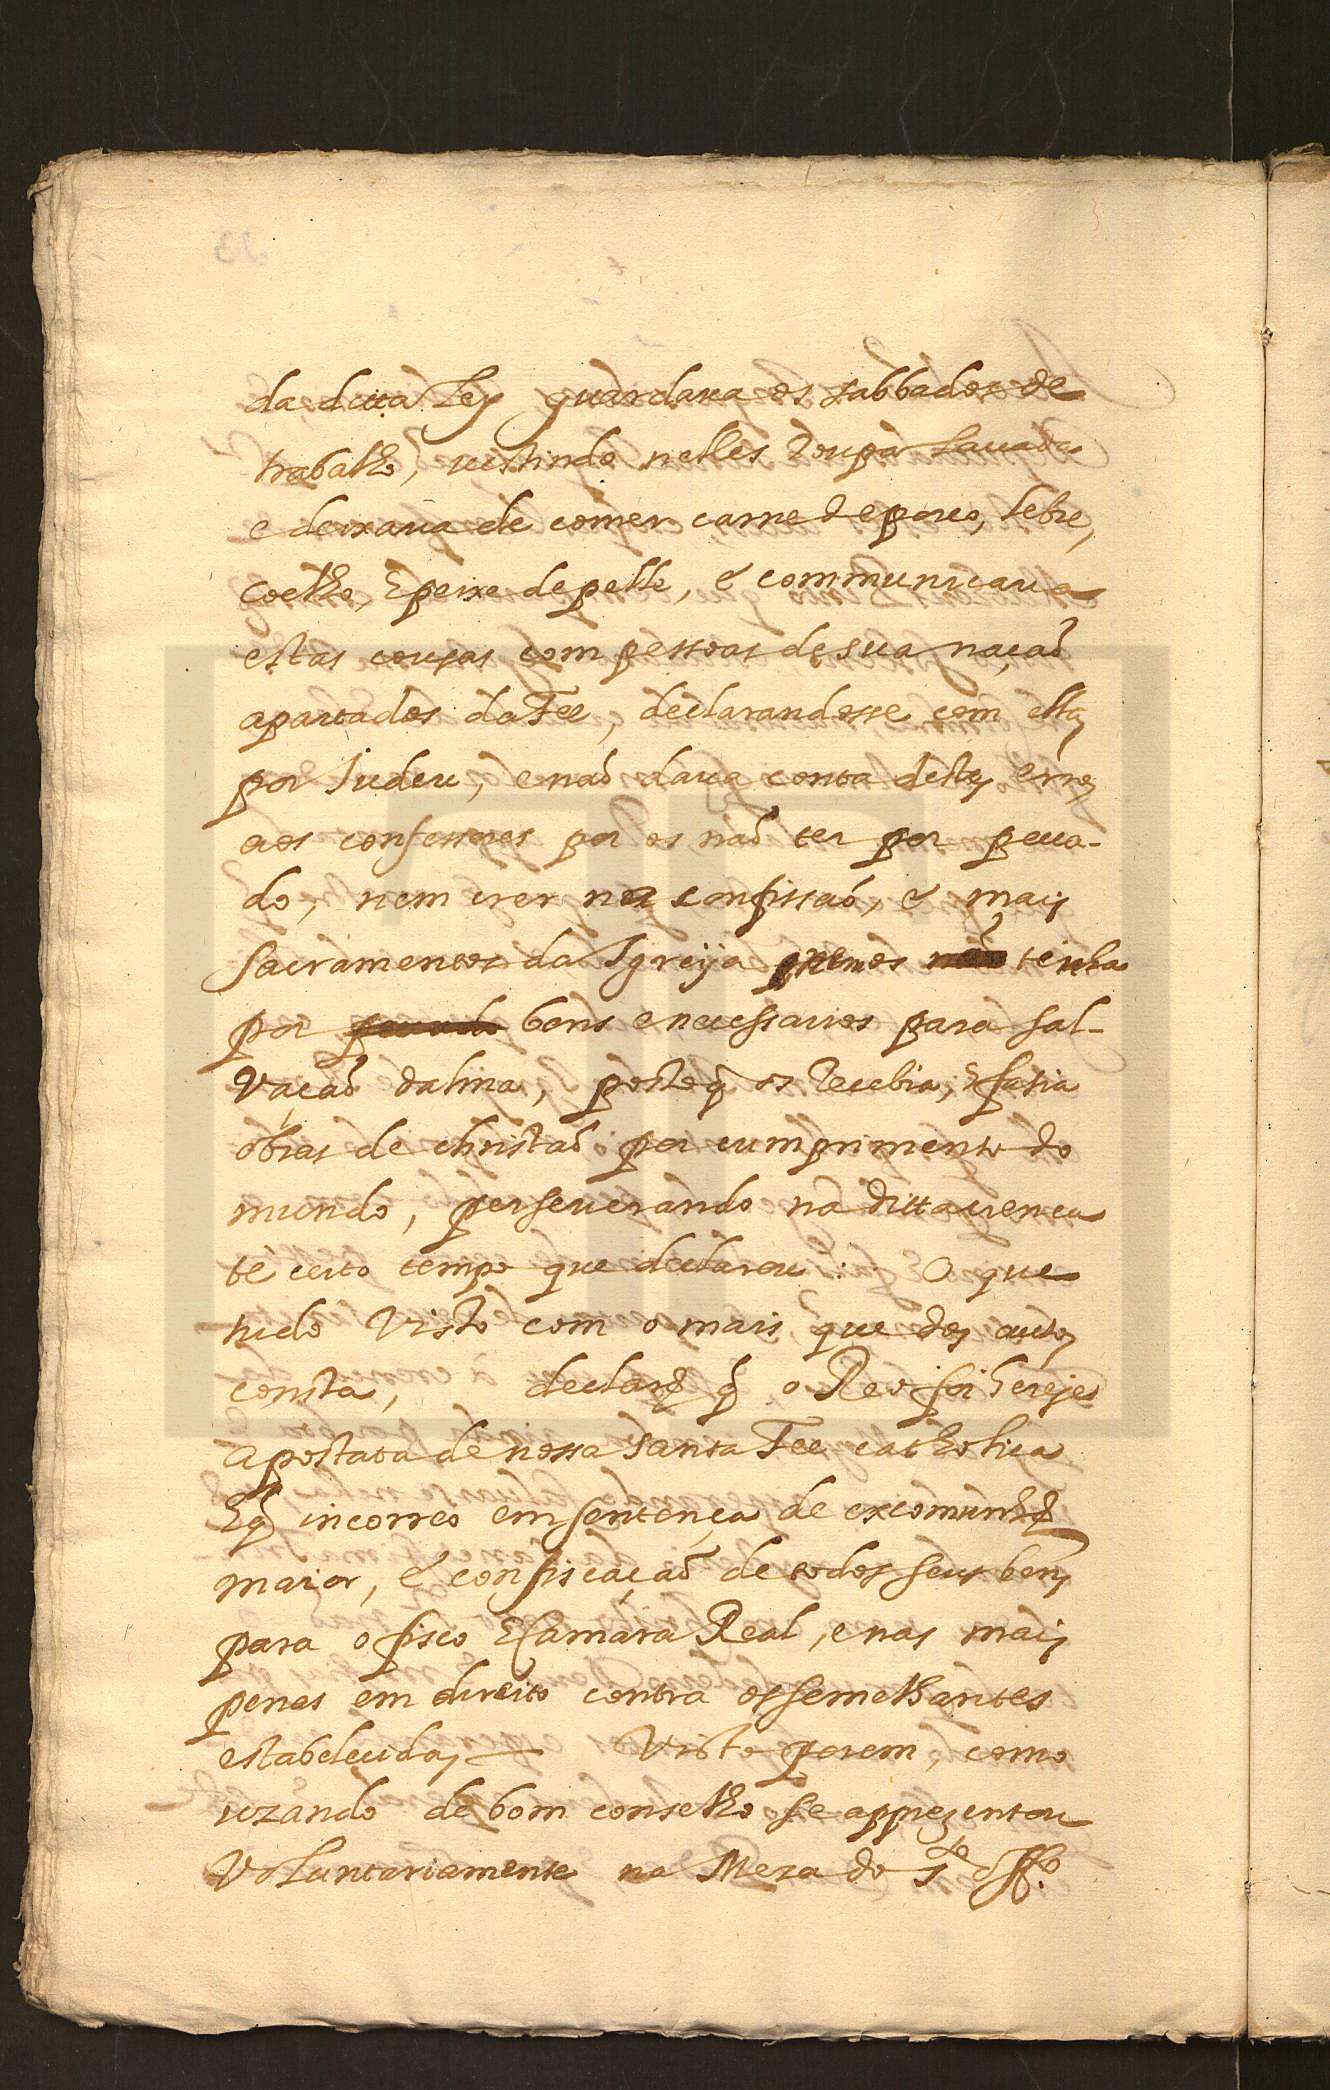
da ditta Ley guardaua os sabbados de
trabalho, uestindo nelles roupa Lauada
e deixaua de comer carne de porco, lebre,
coelho, E peixe de pelle, e communicaua
estas cousas com pessoas de sua naçaõ
apartados da Fee, declarandosse com ella
por Iudeu, e naõ daua conta destes erros
aos confessores por os naõ ter por pecca
do, nem crer na confissaõ, e mais
Sacramentos da Igreya _ nem os naõ tinha
por peccado bons e necessarios para sal
vaçaõ dalma, posto q̄ os Recebia, E fasia
obras de christaõ por cumprimento do
mundo, perseuerando na ditta crenca
tè certo tempo que declarou: O que
tudo Visto com o mais que dos autos
consta, declaraõ q̄ o Reo foi hereje
apostata de nossa santa Fee catholica
E q̄ incorreo em sentença de excomunhaõ
maior, E confiscaçaõ de todos seus bens
para o fisco E Camara Real, e nas mais
penas em direito contra os semelhantes
estabelecidas ‒ Visto porem, como
uzando de bom conselho se apprezentou
Voluntariamente na Meza do sto offo.
